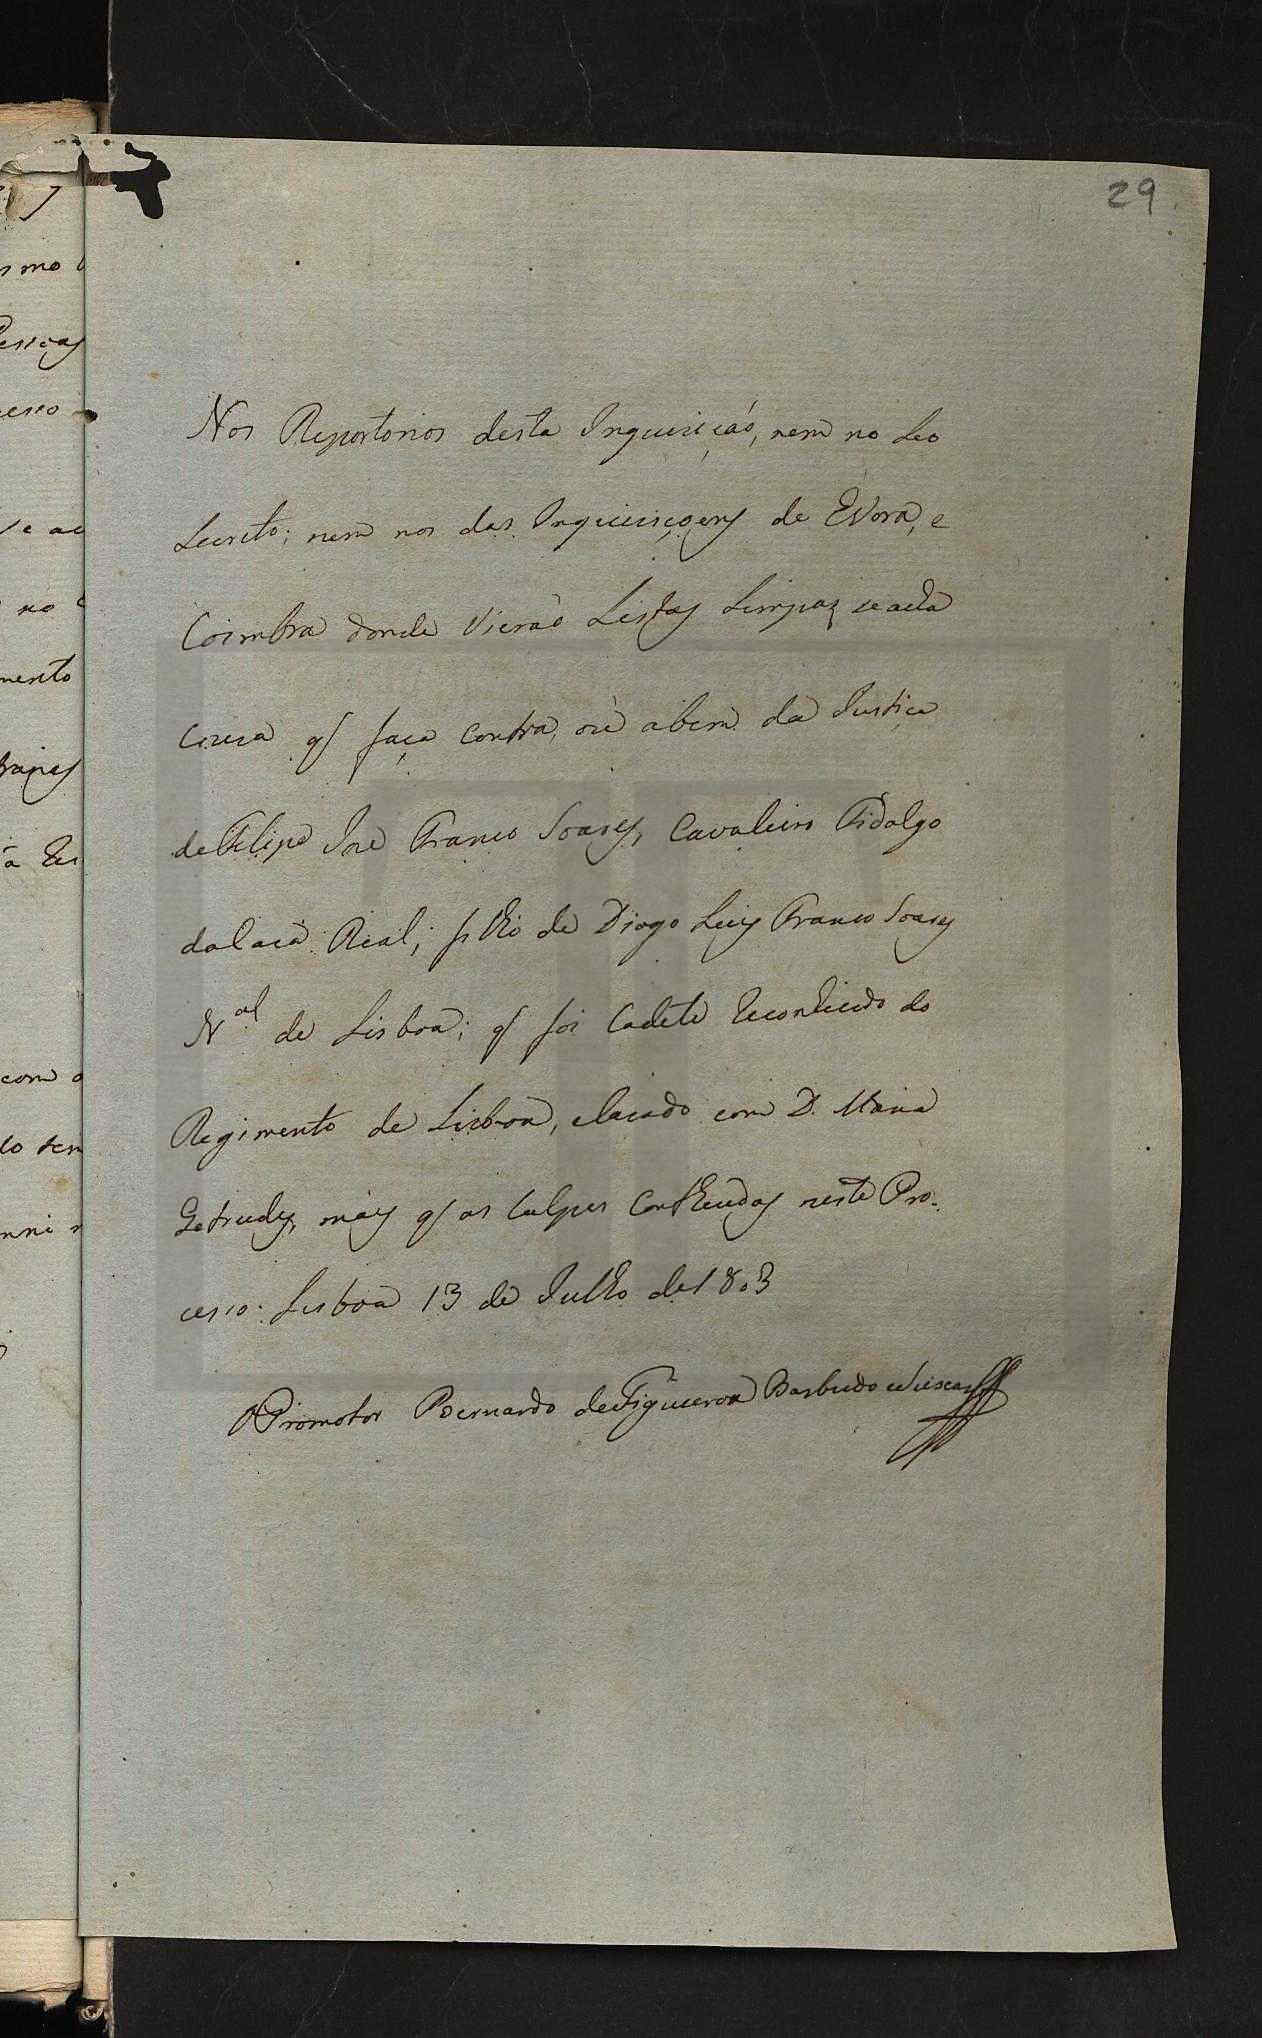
Nos Repertorios desta Inquiziçaõ, nem no seo
secreto, nem nos das Inquiziçoens de Evora, e
Coimbra donde Vieraõ Listas Limpaz se acha
couza q̄ faça contra, ou a bem da Iustiça
de Felipe Ioze Franco Soares, Cavaleiro Fidalgo
da Caza Real, filho de Diogo Luis Franco Soares
N.al de Lisboa; q̄ foi cadete Reconhecido do
Regimento de Lisboa, e Cazado com D. Maria
Getrudes, mais q̄ as Culpas Contheudas neste Pro
cesso: Lisboa 13 de Iulho de 1803
O Promotor Bernardo de Figueiroa Barbudo e Seixas
